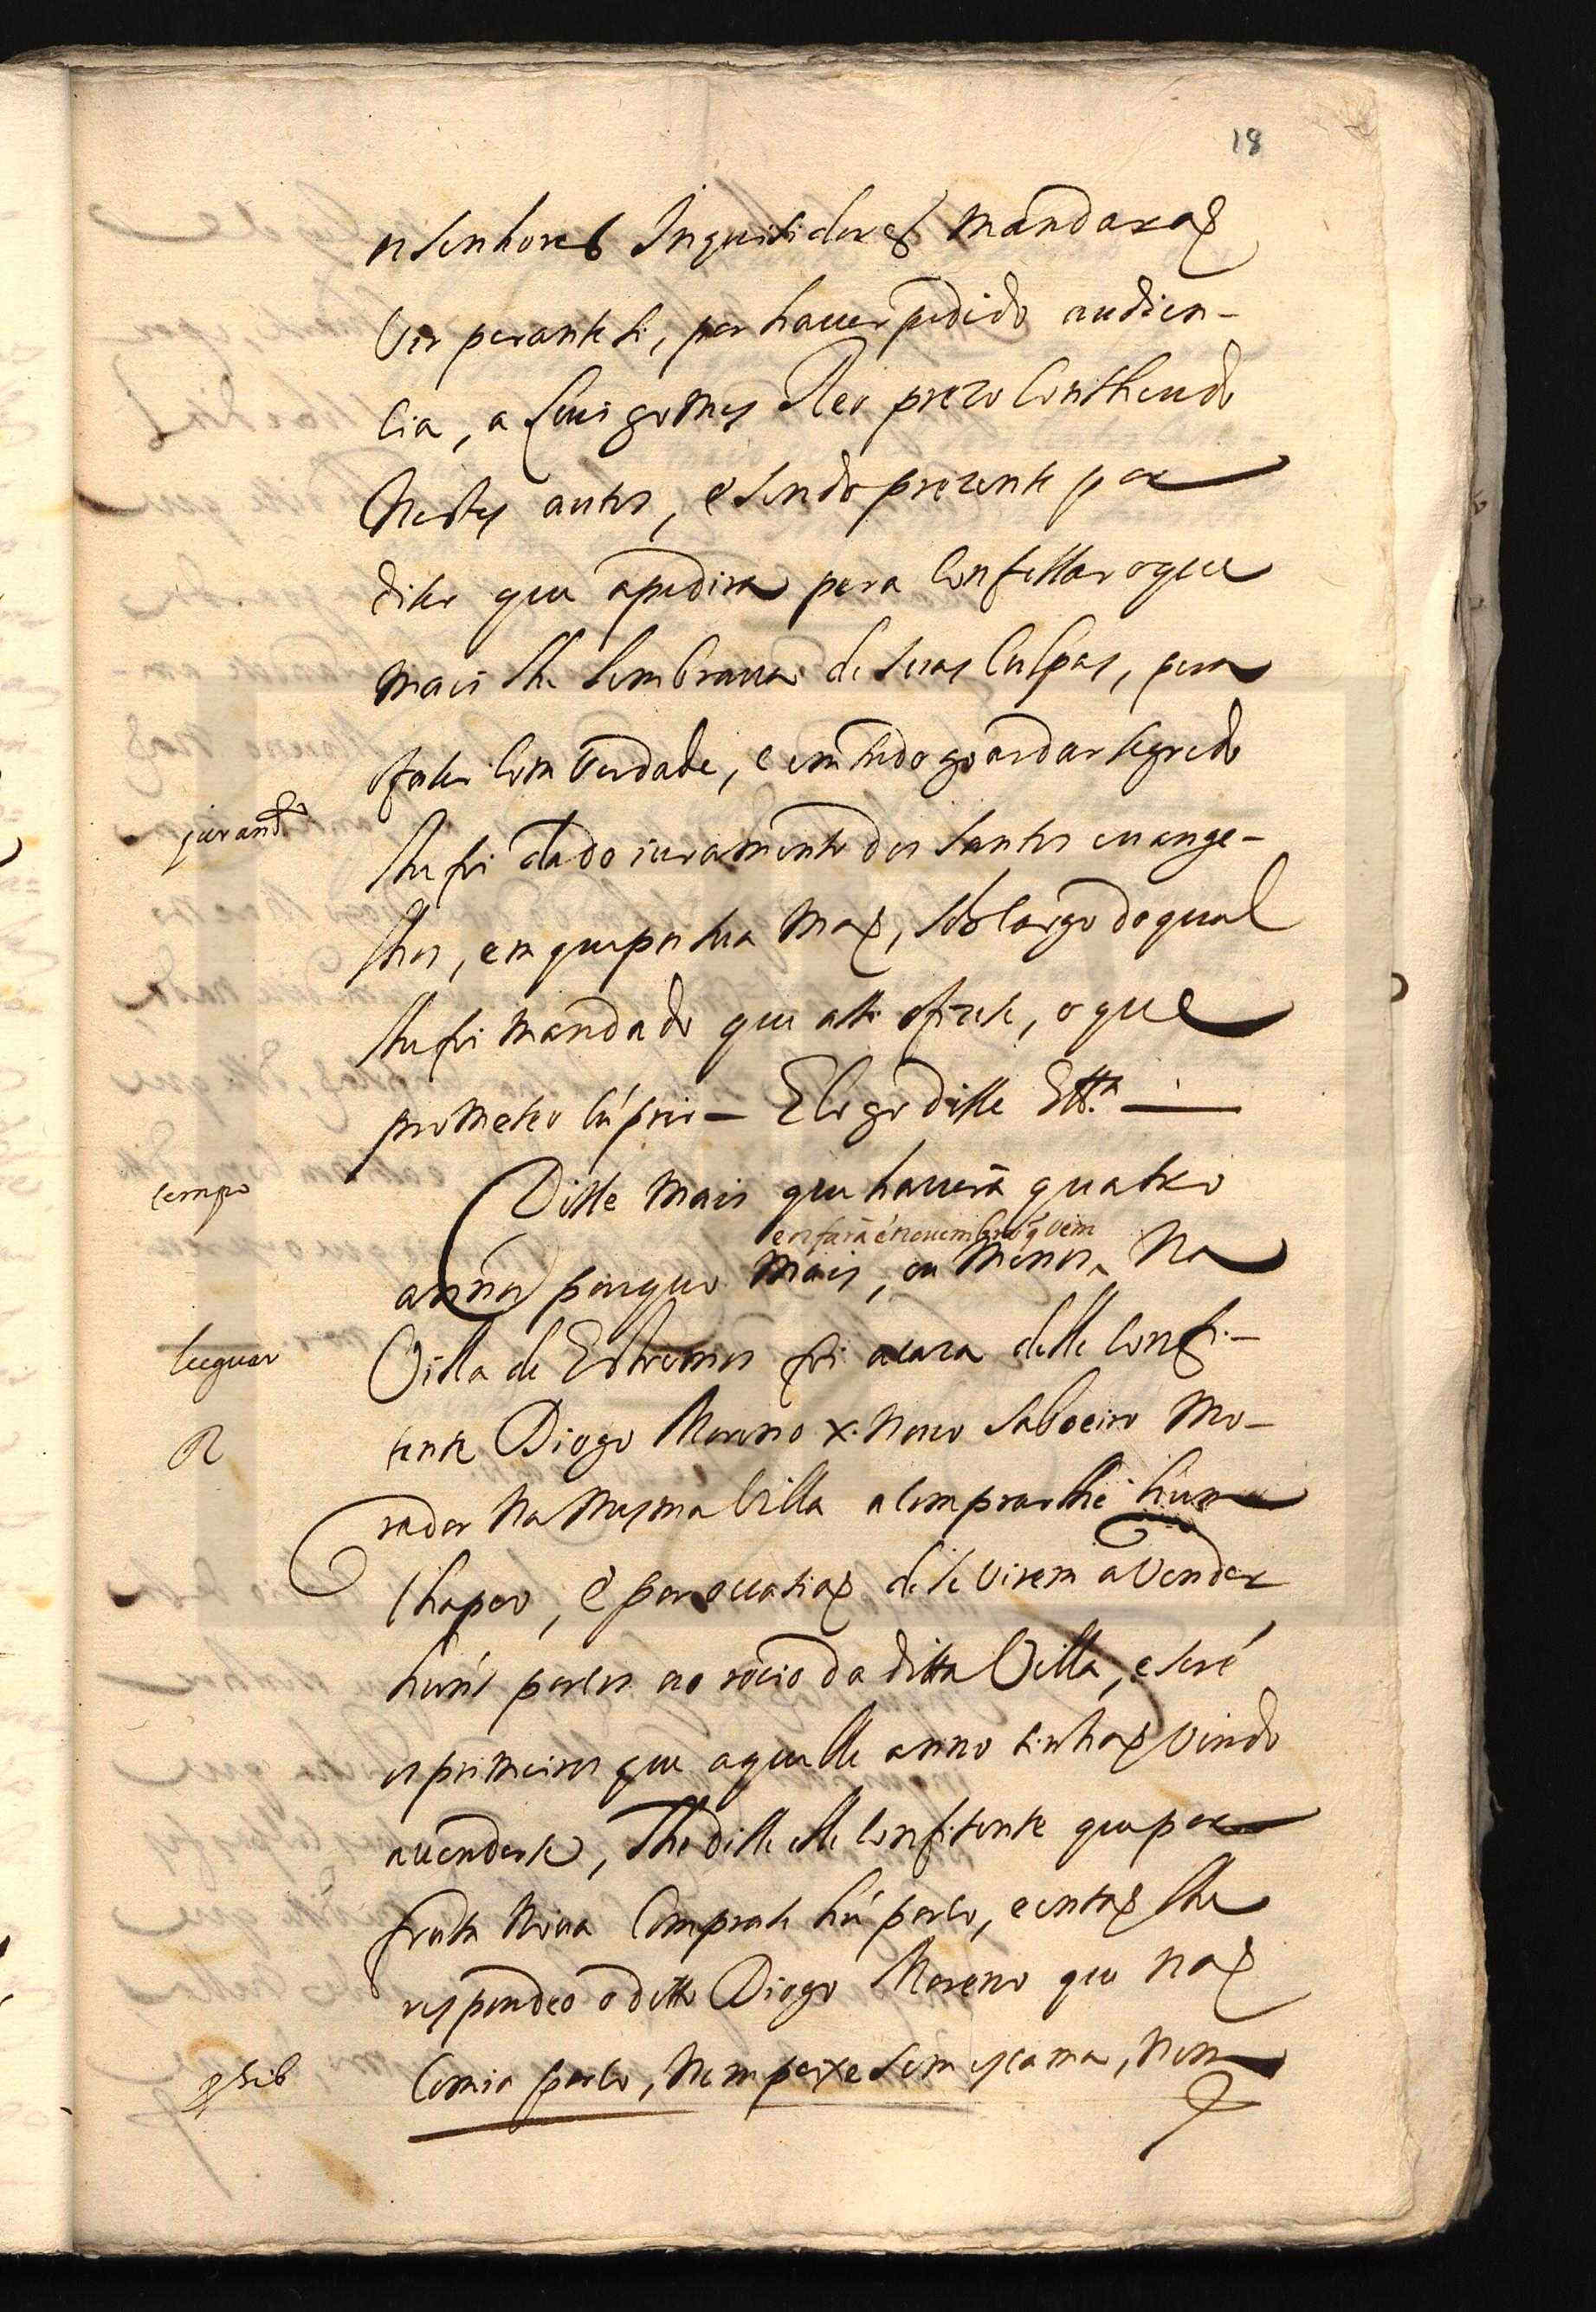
juramto
tempo
luguar
R
ꝓhib
os senhores Inquisidores mandaraõ
vir perante si, por hauer pedido audien
cia, a Luis gomes Reo prezo Contheudo
Nestes autos, e sendo prezente por
diser que a pedira pera confessar o que
mais lhe lembraua de suas Culpas, pera
o faser com verdade, e em tudo goardar segredo
lhe foi dado iuramento dos santos euange
lhos, em que pos sua maõ, sob cargo do qual
lhe foi mandado que assi o fizese, o que
prometeo cūprir ‒ E logo disse Ett.a
Disse mais que hauerà quatro
annos pouquo mais ou menos
e os farà ē nouembro q̄ vem
na
Villa de Estremos foi a caza delle confi
tente Diogo Moreno x. nouo saboeiro mo
rador na mesma Villa a comprar lhe hum
Chapeo, e por occasiaõ de se virem a vender
huns porcos no rocio da ditta Villa, e serē
os primeiros que aquelle anno tinhaõ uindo
a uendese, lhe disse elle confitente que por
fruta noua comprase hū porco, e entaõ lhe
respondeo o ditto Diogo Moreno que naõ
comia porco, nem peixe sem escama, nem
